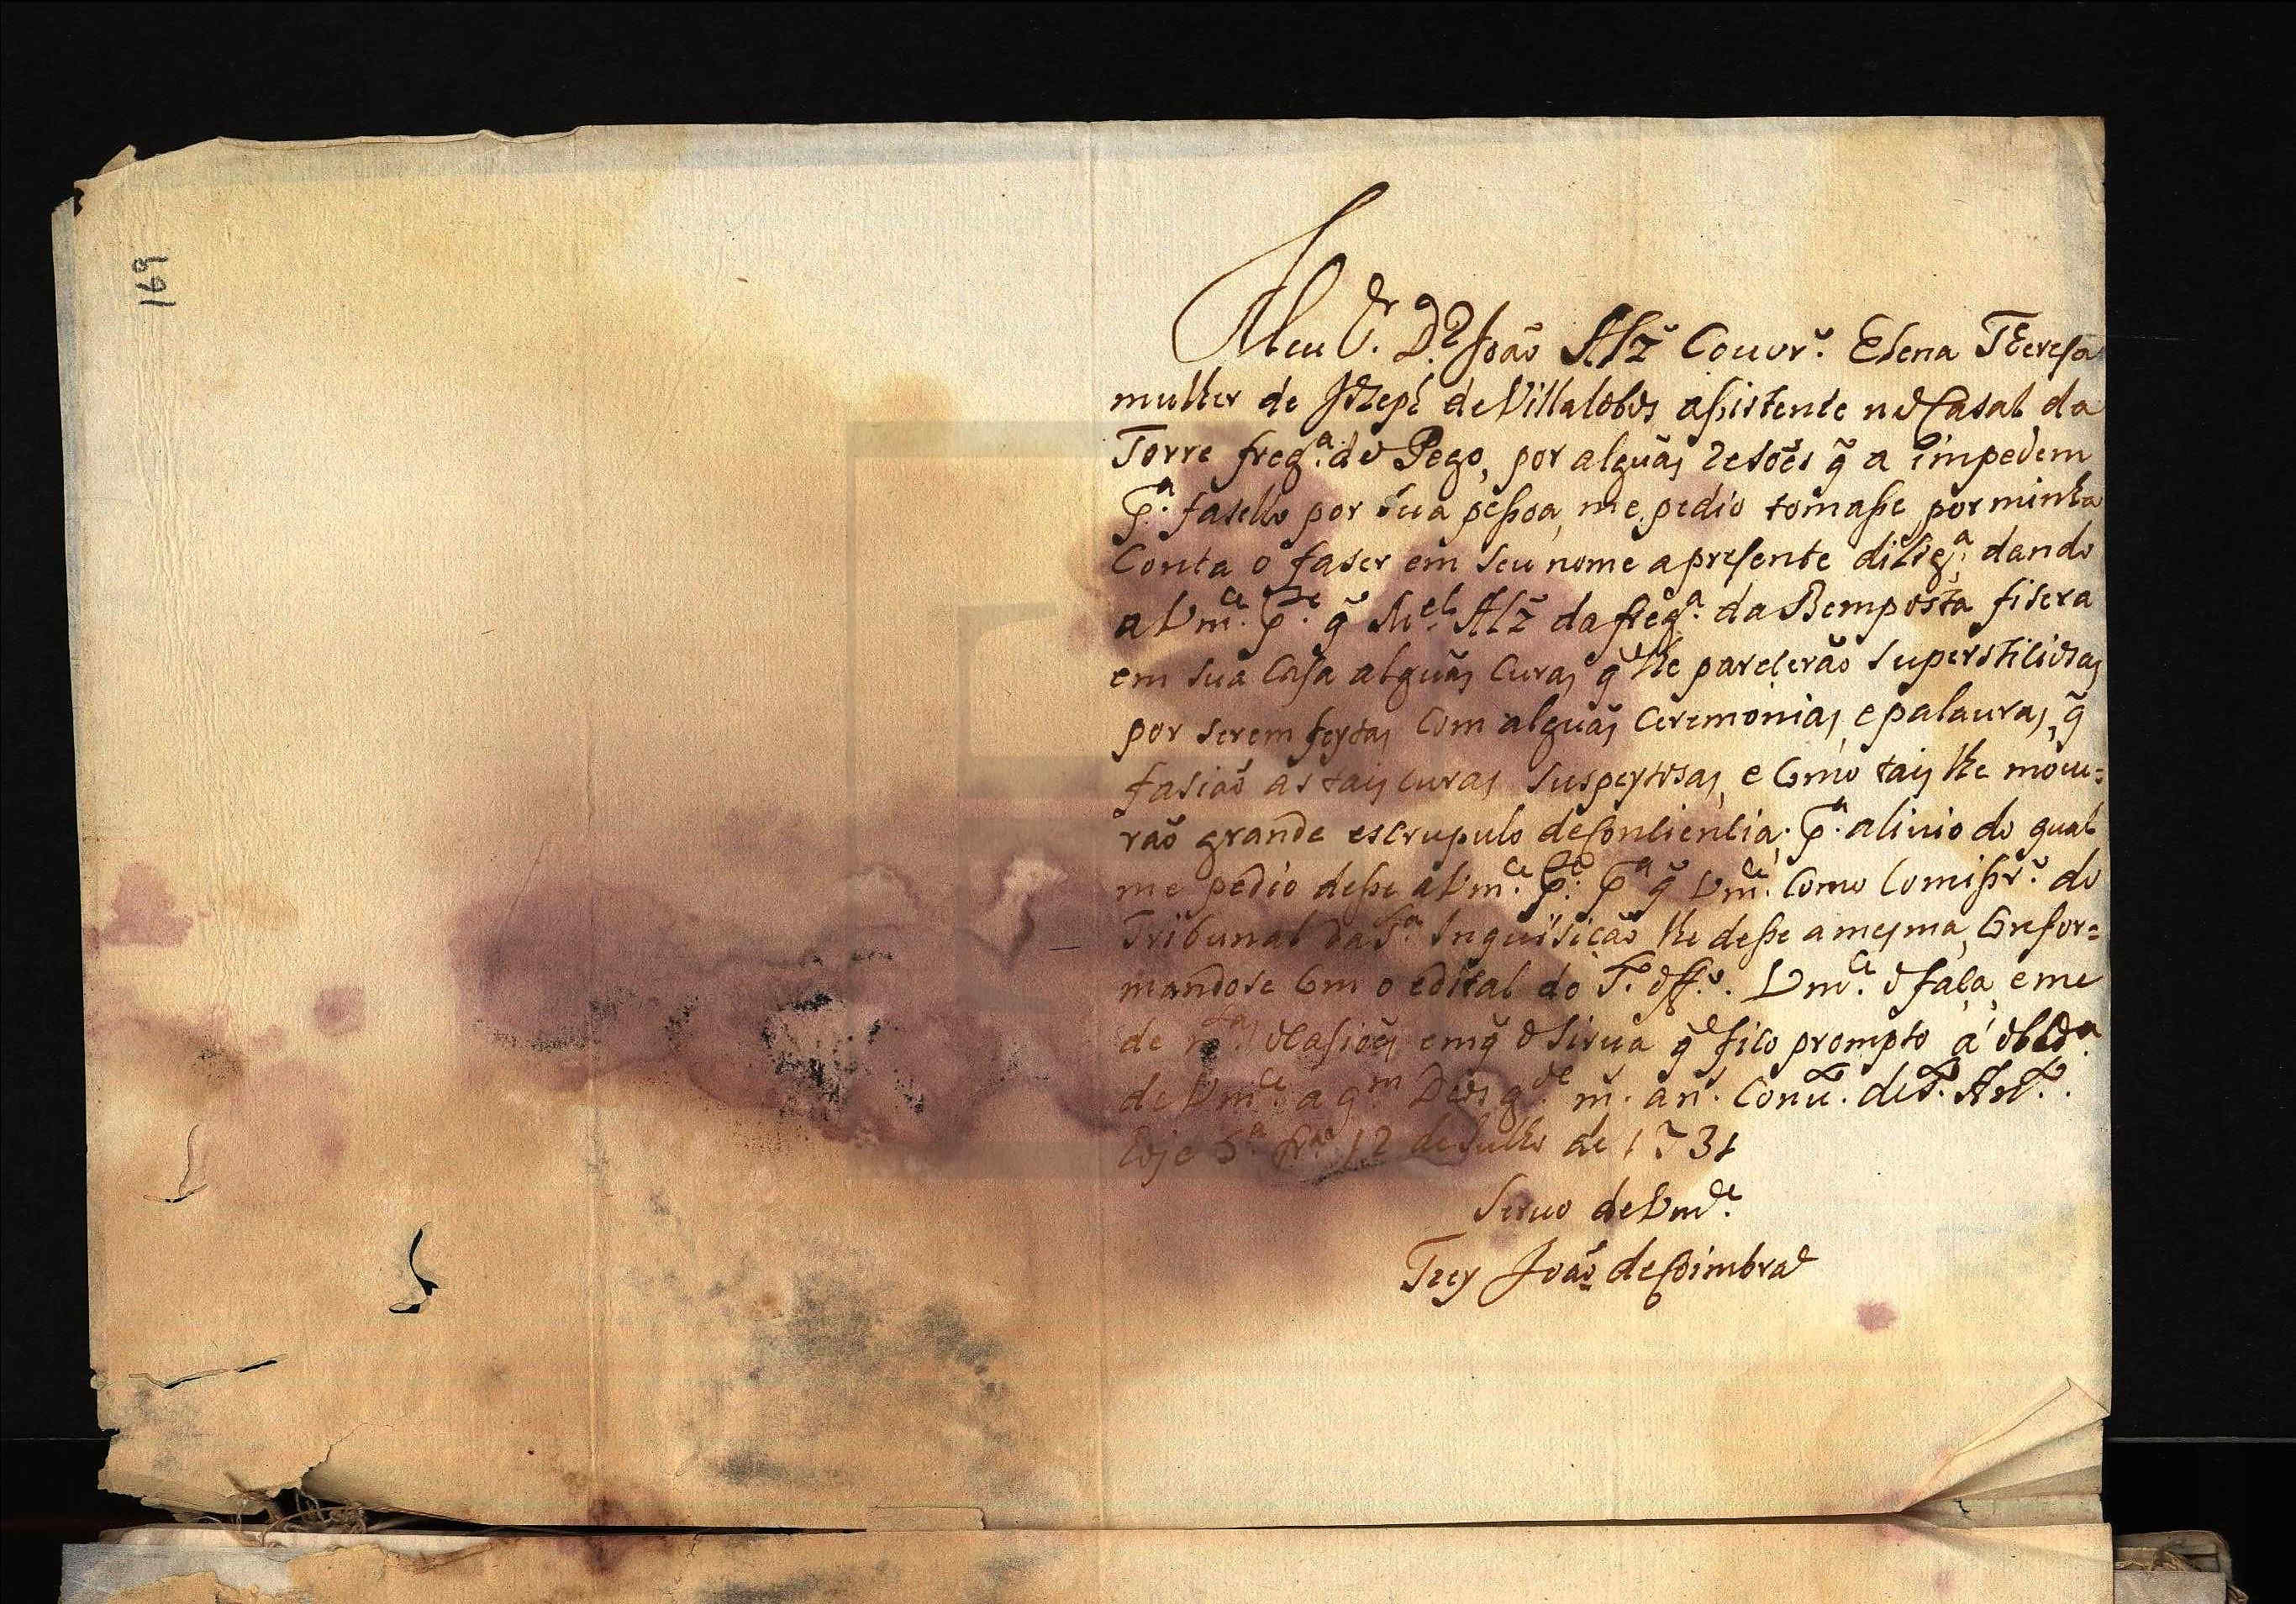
Meu S.or D.r João Alz̄ Couvr.o Elena Theresa
mulher de Jozeph de Villalobos assistente no Casal da
Torre freg.a do Pego, por alguās resoẽs q̄ a impedem
p.a fasello por sua pessoa, me pedio tomasse por minha
conta o faser em seu nome a presente dilig.a, dando
a V m.ce p.te q̄ M.el Alz̄ da freg.a da Bemposta fisera
em sua casa alguās curas q̄ lhe pareçeraõ supersticiozas
por serem feytas com alguās ceremonias, e palauras, q̄
fasiaõ as tais curas suspeytosas, e como tais lhe moui
raõ grande escrupulo de Conciencia; p.a aliuio do qual
me pedio desse a Vm.ce p.te pa q̄ Vm.ce como Comissr.o do
Tribunal da S.ta Inquisiçaõ lhe desse a mesma, confor
mandose com o edital do s.to off.o Vm.ce o faça, e me
de m.tas ocasioẽs em q̄ o sirua q̄ fico prompto á obed.a
de Vm.ce á q.m Deos g.de m.s an.s Conu.to de S.to An.to
hoje 5.a fr.a 12 de Iulho de 1731
Seruo de Vm.ce
Frey Joaõ de Coimbra
